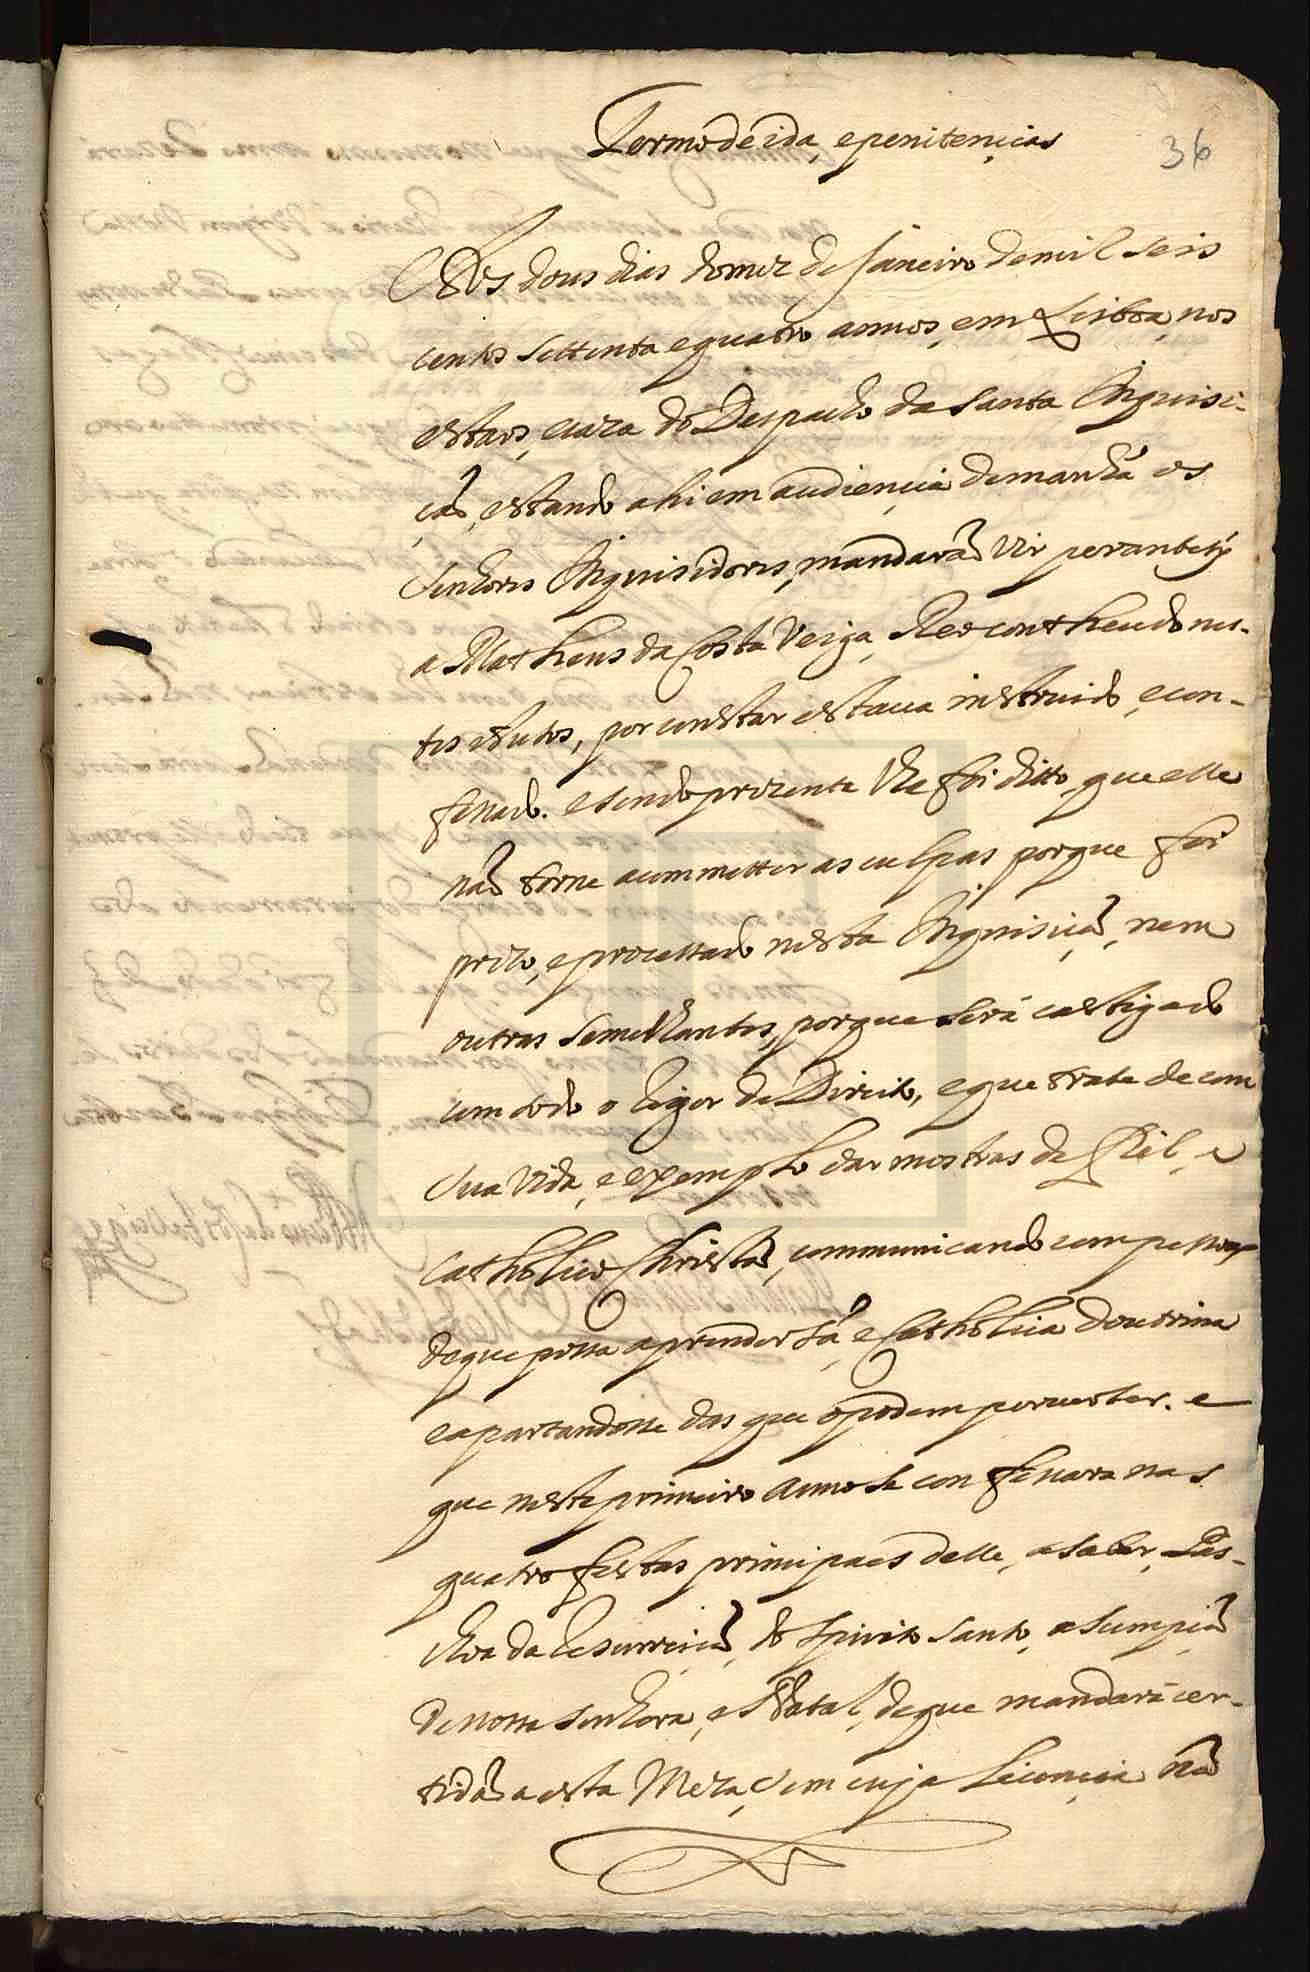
Termo de ida, e penitencias
Aos dous dias do mez de Janeiro de mil seis
centos settenta e quatro annos, em Lisboa, nos
estaos, e caza do Despacho da santa Inquisi
çaõ, estando ahi em audiencia de manhã os
Senhores Jnquisidores, mandaraõ uir perante sy
a Matheus da Costa Veiga, Reo conteudo nes
tes Autos, por constar estaua instruido, e con
fessado. e sendo prezente lhe foi ditto, que elle
naõ torne a commeter as culpas por que foi
prezo, e processado nesta Inquisição, nem
outras semelhantes, porque será castigado
com todo o Rigor de Direito, e que trata de com
Sua Vida, e exemplo dar mostras de fiel, e
Catholico Christaõ, communicando com pessoas
de que possa aprender sã, e Catholica doutrina
e apartandosse das que o podem perverter. e
que neste primeiro anno se confessara nas
quatro festas principaes delle, a Saber, Pas
choa da Resurreiçaõ, do Spirito santo, asumpção
de nossa senhora, e Natal, de que mandará cer
tidaõ a esta Meza, sem cuja Licença não
